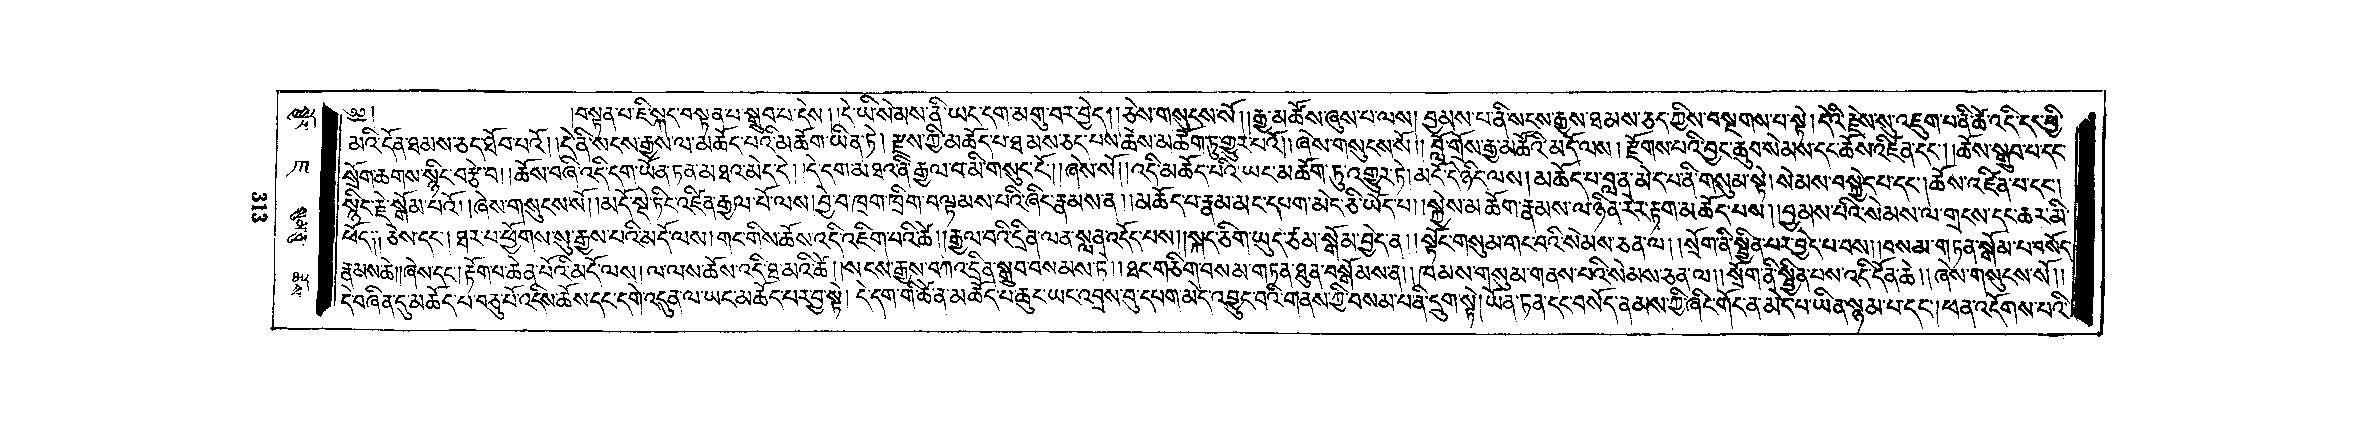༄༅། །བསྟན་པ་ཇི་སྐད་བསྟན་པ་སྒྲུབ་པ་དེས། །དེ་ཡི་སེམས་ནི་ཡང་དག་མགུ་བྱར་བྱེད། །ཅེས་གསུངས་སོ། །རྒྱ་མཚོས་ཞུས་པ་ལས། བྱམས་པ་ནི་སངས་རྒྱས་ཐམས་ཅད་ཀྱིས་བསྔགས་པ་སྟེ། དེའི་རྗེས་སུ་འཇུག་པ་ནི་ཚེ་འདི་དང་ཕྱི་
མའི་དོན་ཐམས་ཅད་ཐོབ་པའོ། །དེ་ནི་སངས་རྒྱས་ལ་མཆོད་པའི་མཆོག་ཡིན་ཏེ། རྫས་ཀྱི་མཆོད་པ་ཐམས་ཅད་པས་ཆེས་མཆོག་ཏུ་གྱུར་པའོ། །ཞེས་གསུངས་སོ། །བློ་གྲོས་རྒྱ་མཚོའི་མདོ་ལས། རྫོགས་པའི་བྱང་ཆུབ་སེམས་དང་ཆོས་འཛིན་དང་། །ཆོས་སྒྲུབ་པ་དང་
སྲོག་ཆགས་སྙིང་བརྩེ་བ། །ཆོས་བཞི་འདི་དག་ཡོན་ཏན་མཐའ་མེད་དེ། །དེ་དག་མཐའ་ནི་རྒྱལ་བ་མི་གསུང་ངོ། །ཞེས་སོ། །འདི་མཆོད་པའི་ཡང་མཆོག་ཏུ་འགྱུར་ཏེ། མདོ་དེ་ཉིད་ལས། མཆོད་པ་བླ་ན་མེད་པ་ནི་གསུམ་སྟེ། སེམས་བསྐྱེད་པ་དང་། ཆོས་འཛིན་པ་དང་།
སྙིང་རྗེ་སྒོམ་པའོ། །ཞེས་གསུངས་སོ། །མདོ་སྡེ་ཏིང་འཛིན་རྒྱལ་པོ་ལས། བྱེ་བ་ཁྲག་ཁྲིག་བལྟམས་པའི་ཞིང་རྣམས་ན། །མཆོད་པ་རྣམ་མང་དཔག་མེད་ཅི་ཡོད་པ། །སྐྱེས་མཆོག་རྣམས་ལ་ཉིན་རེར་རྟག་མཆོད་པས། །བྱམས་པའི་སེམས་ལ་གྲངས་དང་ཆར་མི་
ཕོད། །ཅེས་དང་། ཐར་པ་ཕྱོགས་སུ་རྒྱས་པའི་མདོ་ལས། གང་གིས་ཆོས་འདི་འཇིག་པའི་ཚེ། །རྒྱལ་བའི་དྲིན་ལན་སླན་འདོད་པས། །སྐད་ཅིག་ཡུད་ཙམ་སྒོམ་བྱེད་ན། །སྟོང་གསུམ་གང་བའི་སེམས་ཅན་ལ། །སྲོག་ནི་སྦྱིན་པར་བྱེད་པ་བས། །བསམ་གཏན་སྒོམ་པ་བསོད་
རྣམས་ཆེ། །ཞེས་དང་། རྟོག་པ་ཆེན་པོའི་མོད་ལས། ལ་ལས་ཆོས་འདི་ཐ་མའི་ཚེ། །སངས་རྒྱས་བཀའ་དྲིན་སྒྲུབ་བསམས་ཏེ། །ཐང་གཅིག་བསམ་གཏན་ཐུན་བསྒོམས་ན། །ཁམས་གསུམ་གནས་པའི་སེམས་ཅན་ལ། །སྲོག་ནི་སྦྱིན་པས་འདི་དོན་ཆེ། །ཞེས་གསུངས་སོ། །
དེ་བཞིན་དུ་མཆོད་པ་བཅུ་པོ་འདིས་ཆོས་དང་དགེ་འདུན་ལ་ཡང་མཆོད་པར་བྱ་སྟེ། དེ་དག་གི་ཚེ་ན་མཆོད་པ་ཆུང་ཡང་འབྲས་བུ་དཔག་མེད་འབྱུང་བའི་གནས་ཀྱི་བསམ་པ་ནི་དྲུག་སྟེ། ཡོན་ཏན་དང་བསོད་ནམས་ཀྱི་ཞིང་གོང་ན་མེད་པ་ཡིན་སྙམ་པ་དང་། ཕན་འདོགས་པའི་